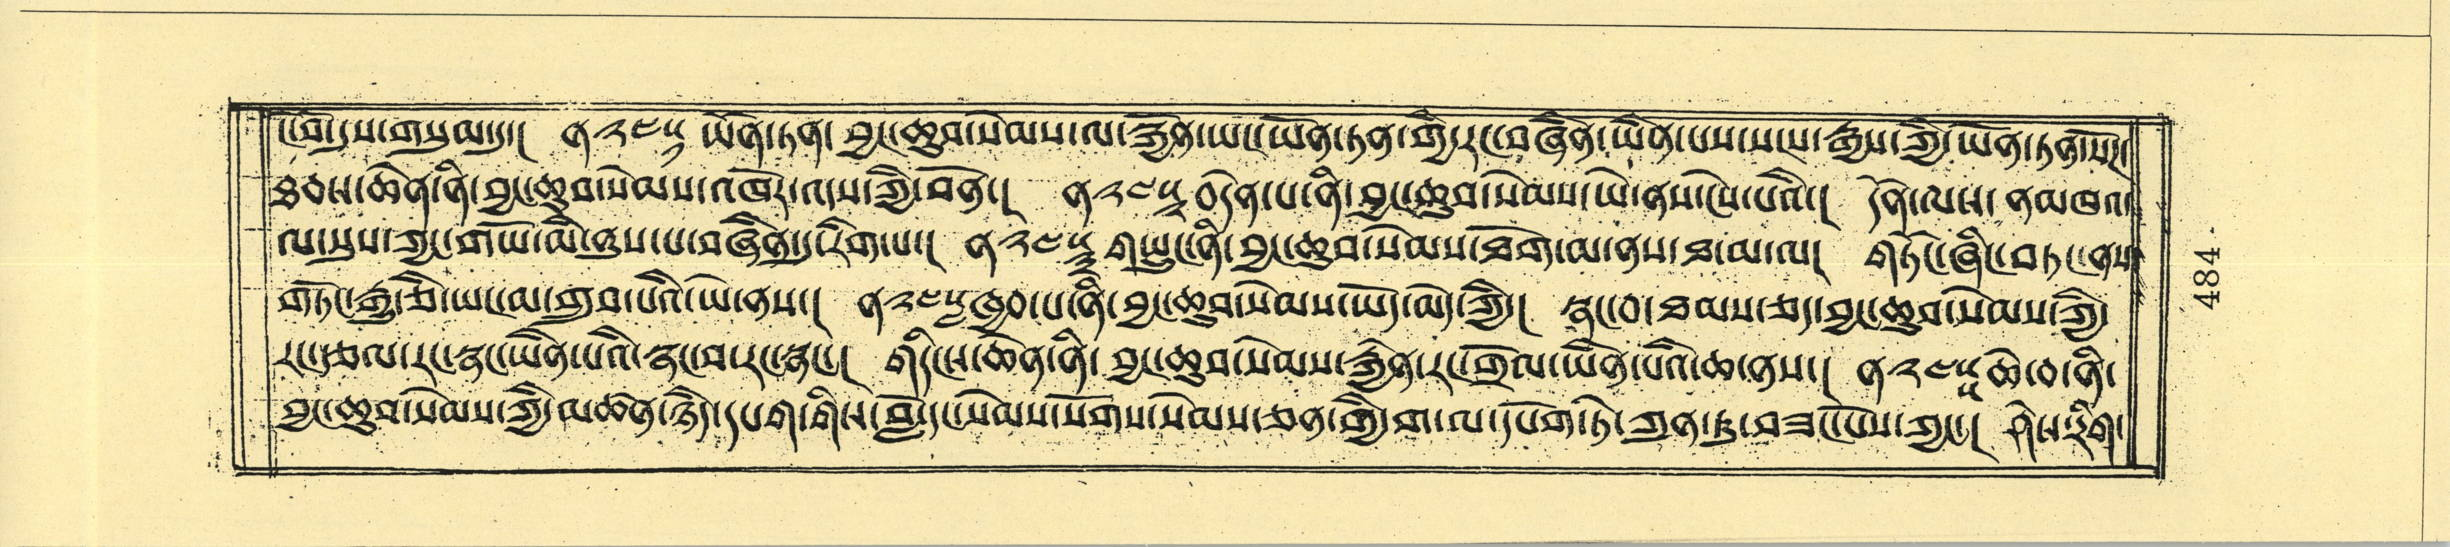ངོ་བོ་དུས་གསུམ་དུ་ ན༢༤༥།༡༼ཡོན་ཏན༽བྱང་ཆུབ་སེམས་ལ་སྐྱོན་ཡང་ཡོན་ཏན་གྱི་རང་བཞིན་ཡིན་པས་སངས་རྒྱས་ཀྱི་ཡོན་ཏན་སོགས་
༼ཐབས་ཆེན་ནི༽བྱང་ཆུབ་སེམས་འཁོར་འདས་ཀྱི་བོན་ན༢༤༥།༢༼བདེན་པ་ནི༽བྱང་ཆུབ་སེམས་ཡེ་ནས་ངེས་པའི་༼དོན་ལས༽ནམ་མཁའ་
ལ་སུས་ཀྱང་གཡོ་མི་ནུས་པ་བཞིན་དུ་རིག་པ་ན༢༤༥།༣ ༼གཡུང་དྲུང་ནི༽བྱང་ཆུབ་སེམས་ཐོག་མ་ནས་ཐ་མ་ལ། ༼གཏོང་ཞིང་༽བཏང་ནས་
གཏོང་རྒྱུ་ཅི་ཡང་མ་གྲུབ་པས་ཡེ་ནས་ན༢༤༥།༤༼ཁྱབ་པ་ནི༽བྱང་ཆུབ་སེམས་ཡོད་མེད་ཀྱི་སྣང་བ་ཐམས་ཅད་བྱང་ཆུབ་སེམས་ཀྱི་
རང་རྩལ་རང་སྣང་ཡིན་པའི་སྣང་བ་རང་སྣང་༼གདེངས་ཆེན་ནི༽བྱང་ཆུབ་སེམས་རྐྱེན་རང་གྲོལ་ཡིན་པའི་ཆ་ནས་ན༢༤༥།༥༼ཆེ་བ་ནི༽
བྱང་ཆུབ་སེམས་ཀྱི་མཚན་ཉིད་༼དཔག་གིས༽བློ་དང་སེམས་སོགས་སེམས་ཅན་གྱི་ག་ལ་དཔོག་སྟེ་ཀུན་ཏུ་བཟང་པོས་ཀྱང་།༼ཤེས་རིག༽